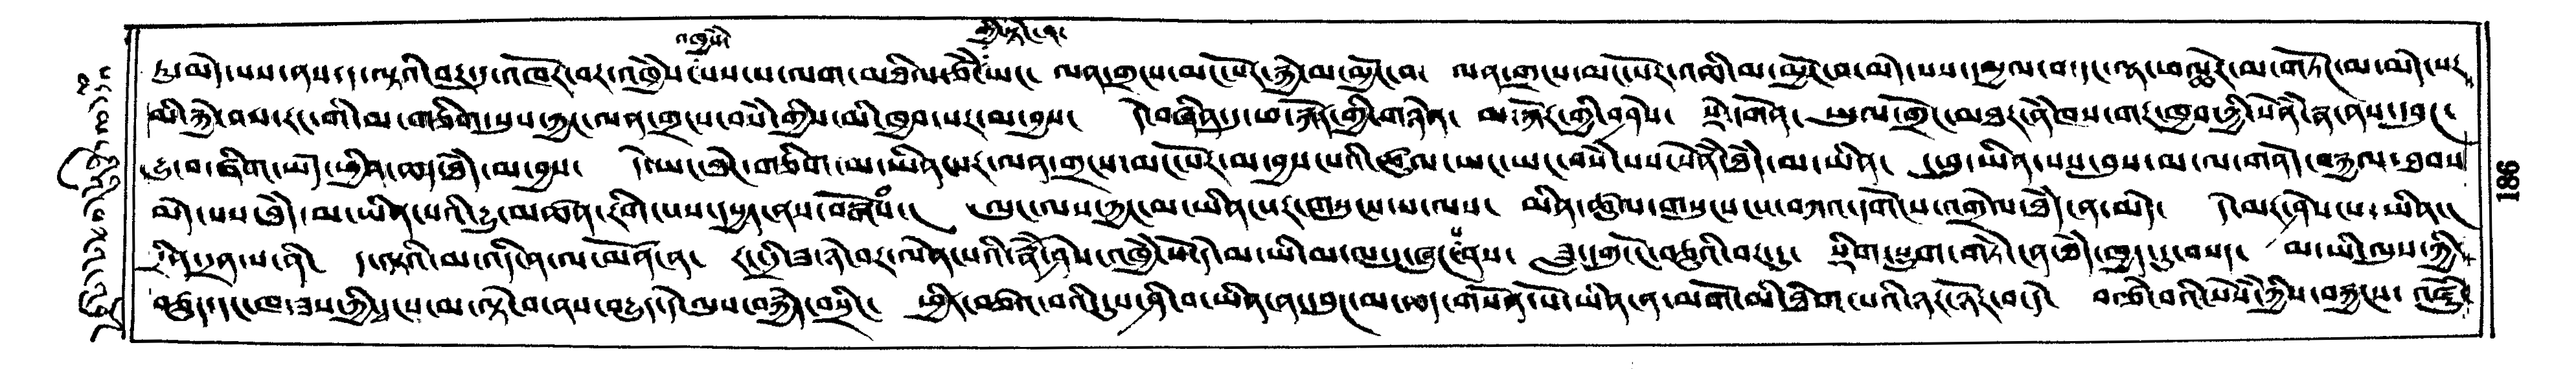ཏུ་མེད་པས་ན་ད་ལྟའི་བར་དུ་འཁོར་བར་འཁྱམས་འཁྱམས་པས་ས་ལག་མཐིལ་ཙམ་གྱི་སྟེང་ན་ཡང་། ལན་གྲངས་མང་པོར་སྐྱེ་མ་མྱོང་བ། ལན་གྲངས་མང་པོར་འཆི་མ་མྱོང་བ་མེད་པས་དམྱལ་བ་དང་ལྷ་ཕལ་ཆེར་མ་གཏོགས་མ་མེད་པར་
མི་སྐྱེ་བས་རང་གི་མ་གཅིག་པུས་ཀྱངལན་གྲངས་བསམ་གྱིས་མི་ཁྱབ་པར་མ་བྱས།དེ་བཞིན་དུ་ཕ་སྐོར་གྱི་གཉེན། མ་སྐོར་གྱི་བཤེས། སྡེ་དགོན། ཡུལ་གྲོངས་མཐར་ནམ་མཁས་གར་ཁྱབ་ཀྱི་སེམས་ཅན་སྣ་ནས་དབུགས་
རྒྱུ་བ་ཞིག་ཡོད་ཕྱིན་ཆད་ཐམས་ཅད་མ་བྱས། དེ་ཡང་ཐེངས་གཅིག་མ་ཡིན་པར་ལན་གྲངས་མང་པོར་མ་བྱས་པའི་ཚུལ་ཡང་ཡང་བསམ་པས་སེམས་ཅན་ཐམས་ཅད་མ་ཡིན། ང་བུ་ཡིན་པས་བུས་མ་ལ་གནོད་བསྐྱལ་ཐབས་
མེད་པས་ཐམས་ཅད་མ་ཡིན་པའི་རྒྱུ་མཚན་རིགས་པས་དཔྱད་ནས་བསྒོམ། ལུང་ལས་ཀྱང་མ་ཡིན་པར་གསུངས་པ་ལས། མིན་ཚུལ་གསུངས་པ་བཀའ་དགོངས་འགྲེལ་ཐམས་ཅད་ན་མེད། དེ་མར་ཤེས་པ་ཡིན། 
དྲིན་དྲན་པ་ནི། ད་ལྟའི་མ་འདི་ལ་མཚོན་ན། རང་དྲི་ཟ་ཉེ་བར་ལེན་པའི་རྣམ་ཤེས་འཁྱམས་པོ་དེ་མའི་མང་ལ་དུ་ཞུགས་ནས་ཟླ་དགུ་ངོ་བཅུའི་བར་དུ། སྡིག་སྡུག་གཏམ་ངན་ཐམས་ཅད་ཁྱད་དུ་བསད། མའི་ལུས་ཀྱི་
བཅུད་དང་ཁ་ཟས་ཀྱི་དྭངས་མ་ལྟེ་བ་ནས་བརྒྱུད་དེ་ལུས་བསྐྱེད་སྲིང་། ཕྱིར་བཙའ་བའི་དུས་ཤི་བ་ཡིན་ན་དབུགས་མ་ཆད། གསོན་པོ་ཡིན་ན་མགོ་མི་ཐེག་པའི་ཉ་རེ་ཉོ་རེ་བ་དེ། བརྩེ་བའི་སེམས་ཀྱིས་བསྐྱངས། འཛུམ་